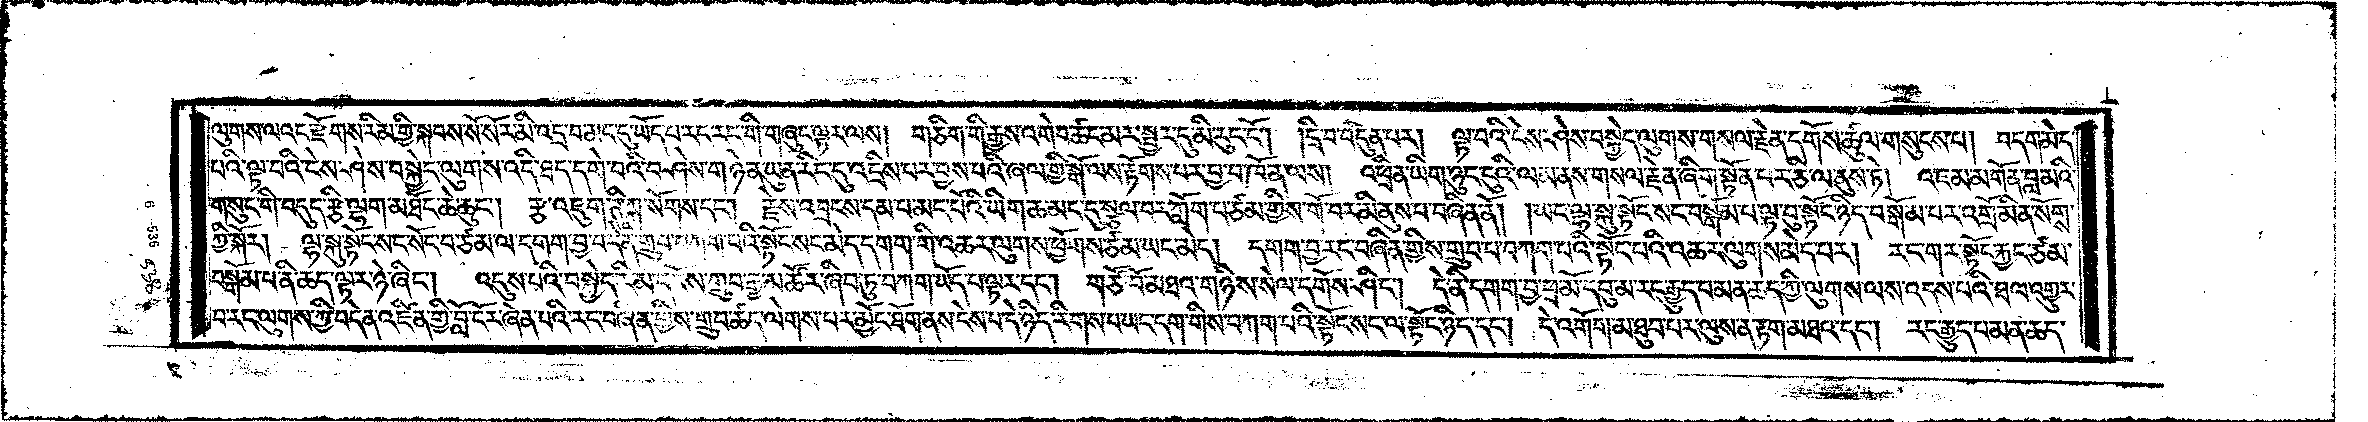ལུགས་ལའང་རྫོགས་རིམ་གྱི་སྐབས་སོ་སོར་མི་འདྲ་བ་མང་དུ་ཡོད་པ་རང་རང་གི་གཞུང་ལྟར་ལས། གཅིག་གི་རྒྱས་འགེབ་ཚང་མར་སྦྱར་དུ་མི་རུང་ངོ། །དྲི་བ་བདུན་པར། ལྟ་བའི་ངེས་ཤེས་བསྐྱེད་ལུགས་གསལ་རྗེན་དགོས་ཚུལ་གསུངས་པ། བདག་མེད་
པའི་ལྟ་བའི་ངེས་ཤེས་བསྐྱེད་ལུགས་འདི་ཐད་དགེ་བའི་བཤེས་གཉེན་ཡུན་རིང་དུ་འདྲིས་པར་བྱས་པའི་ཞལ་གྱི་སྒོ་ལས་རྟོགས་པར་བྱ་བ་ཁོ་ན་ལས། འཕྲིན་ཡིག་ཉུང་དུའི་ལམ་ནས་གསལ་རྗེན་ཞིག་སྟོན་པར་ཅི་ལ་ནུས་ཏེ། འཇམ་མགོན་བླ་མའི་
གསུང་གི་བདུད་རྩི་ལྷག་མཐོང་ཆེ་ཆུང་། རྩ་འཇུག་ཊི་ཀྐཱ་སོགས་དང་། རྗེས་འབྲངས་དམ་པ་མང་པོའི་ཡིག་ཆ་མང་དུ་སྩལ་བར་ཀློག་པ་ཙམ་གྱིས་གོ་བར་མི་ནུས་པ་བཞིན་ནོ། །ཡང་ལྷ་སྐུ་སྟོང་སང་བསྒོམ་པ་ལྟ་བུ་སྟོང་ཉིད་བསྒོམ་པར་འགྲོ་མིན་སོགས་
ཀྱི་སྐོར། ལྷ་སྐུ་སྟོང་སང་སོང་བ་ཙམ་ལ་དགག་བྱ་བདེན་གྲུབ་བཀག་པའི་སྟོང་སང་མེད་དགག་གི་འཆར་ལུགས་ཕྱོགས་ཙམ་ཡང་མེད། དགག་བྱ་རང་བཞིན་གྱིས་གྲུབ་པ་བཀག་པའི་སྟོང་པའི་འཆར་ལུགས་མེད་པར། རང་གར་སྟོང་རྐྱང་ཙམ་
བསྒོམ་པ་ནི་ཆད་ལྟར་ཉེ་ཞིང་། འདུས་པའི་བསྐྱེད་རིམ་དངོས་གྲུབ་རྒྱ་མཚོར་ཞིབ་ཏུ་བཀག་ཡོད་པ་ལྟར་དང་། གཙོ་བོ་མཐའ་གཉིས་སེལ་དགོས་ཤིང་། དེ་ནི་དགག་བྱ་ཕྲ་མོ་དབུ་མ་རང་རྒྱུད་པ་མན་ཆད་ཀྱི་ལུགས་ལས་འདས་པའི་ཐལ་འགྱུར་
བ་རང་ལུགས་ཀྱི་བདེན་འཛིན་གྱི་བློ་ངོར་ཞེན་པའི་རང་བཞིན་གྱིས་གྲུབ་ཚད་ལེགས་པར་མྱོང་ཐོག་ནས་ངེས་པ་དེ་ཉིད་རིགས་པ་ཡང་དག་གིས་བཀག་པའི་སྟོང་སང་ལ་སྟོང་ཉིད་དང་། དེ་འགོག་མ་ཐུབ་པར་ལུས་ན་རྟག་མཐའ་དང་། རང་རྒྱུད་པ་མན་ཆད་